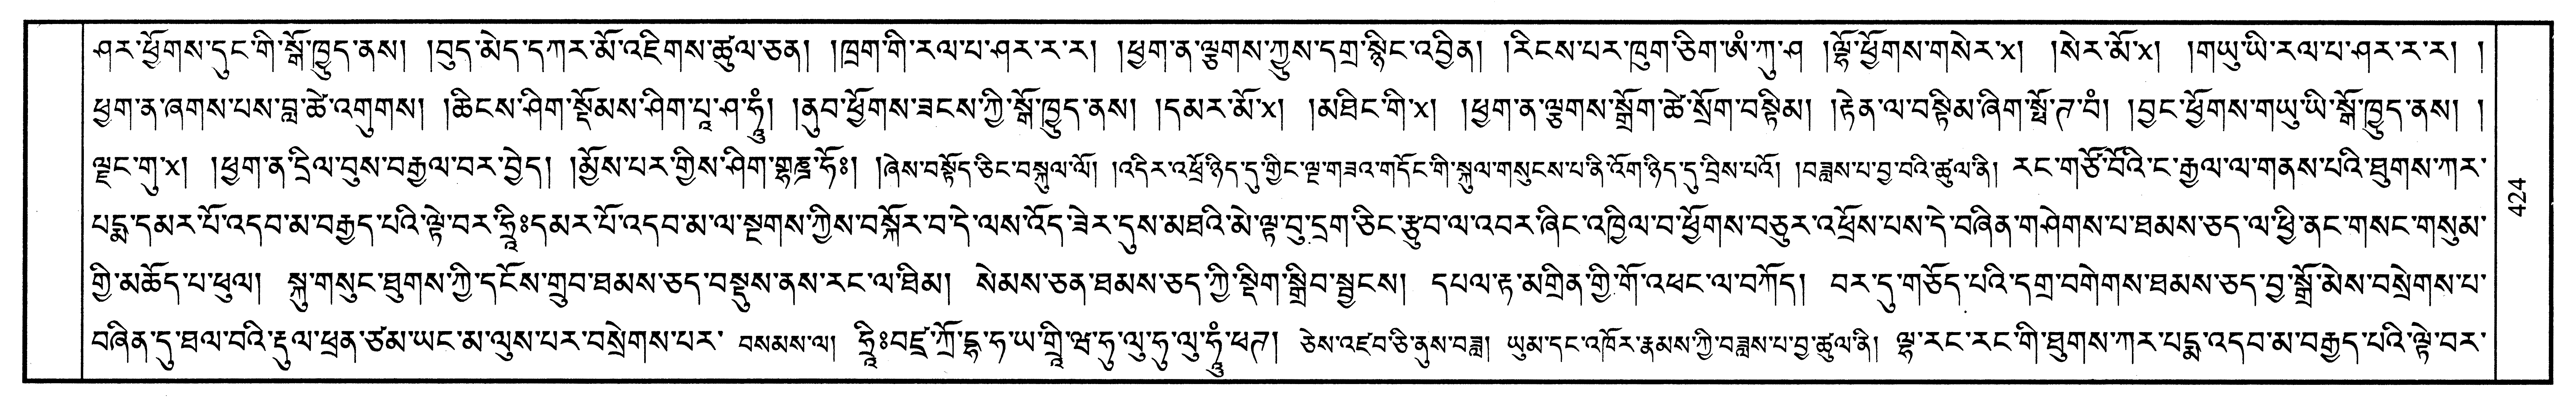ཤར་ཕྱོགས་དུང་གི་སྒོ་ཁྱུད་ནས། །བུད་མེད་དཀར་མོ་འཇིགས་ཚུལ་ཅན། །ཁྲག་གི་རལ་པ་ཤར་ར་ར། །ཕྱག་ན་ལྕགས་ཀྱུས་དགྲ་སྙིང་འབྱིན། །རིངས་པར་ཁུག་ཅིག་ཨཾ་ཀུ་ཤ་།ལྷོ་ཕྱོགས་གསེར་྾། །སེར་མོ་྾། །གཡུ་ཡི་རལ་པ་ཤར་ར་ར། །
ཕྱག་ན་ཞགས་པས་བླ་ཚེ་འགུགས། །ཆིངས་ཤིག་སྡོམས་ཤིག་པཱ་ཤ་ཧཱུཾ། །ནུབ་ཕྱོགས་ཟངས་ཀྱི་སྒོ་ཁྱུད་ནས། །དམར་མོ་྾། །མཐིང་གི་྾། །ཕྱག་ན་ལྕགས་སྒྲོག་ཚེ་སྲོག་བསྟིམ། །རྟེན་ལ་བསྟིམ་ཞིག་སྥོ་ཊ་བཾ། །བྱང་ཕྱོགས་གཡུ་ཡི་སྒོ་ཁྱུད་ནས། །
ལྗང་གུ་྾། །ཕྱག་ན་དྲིལ་བུས་བརྒྱལ་བར་བྱེད། །མྱོས་པར་གྱིས་ཤིག་གྷཎྜ་ཧོཿ། །ཞེས་བསྟོད་ཅིང་བསྐུལ་ལོ། །འདིར་འཕྲོ་ཉིད་དུ་གྱིང་ལྔ་གཟའ་གདོང་གི་སྐུལ་གསུངས་པ་ནི་འོག་ཉིད་དུ་བྲིས་པའོ། །བཟླས་པ་བྱ་བའི་ཚུལ་ནི། རང་གཙོ་བོའི་ང་རྒྱལ་ལ་གནས་པའི་ཐུགས་ཀར་
པདམ་དམར་པོ་འདབ་མ་བརྒྱད་པའི་ལྟེ་བར་ཧྲཱིཿ དམར་པོ་འདབ་མ་ལ་སྔགས་ཀྱིས་བསྐོར་བ་དེ་ལས་འོད་ཟེར་དུས་མཐའི་མེ་ལྟ་བུ་དྲག་ཅིང་རྩུབ་ལ་འབར་ཞིང་འཁྱིལ་བ་ཕྱོགས་བཅུར་འཕྲོས་པས་དེ་བཞིན་གཤེགས་པ་ཐམས་ཅད་ལ་ཕྱི་ནང་གསང་གསུམ་
གྱི་མཆོད་པ་ཕུལ། སྐུ་གསུང་ཐུགས་ཀྱི་དངོས་གྲུབ་ཐམས་ཅད་བསྡུས་ནས་རང་ལ་ཐིམ། སེམས་ཅན་ཐམས་ཅད་ཀྱི་སྡིག་སྒྲིབ་སྦྱངས། དཔལ་རྟ་མགྲིན་གྱི་གོ་འཕང་ལ་བཀོད། བར་དུ་གཅོད་པའི་དགྲ་བགེགས་ཐམས་ཅད་བྱ་སྒྲོ་མེས་བསྲེགས་པ་
བཞིན་དུ་ཐལ་བའི་རྡུལ་ཕྲན་ཙམ་ཡང་མ་ལུས་པར་བསྲེགས་པར་བསམས་ལ།། ཧྲཱིཿ བཛྲ་ཀྲོ་དྷ་ཧ་ཡ་གྲཱི་ཝ་ཧུ་ལུ་ཧུ་ལུ་ཧཱུཾ་ཕཊ། ཅེས་འཛབ་ཅི་ནུས་བཟླ། ཡུམ་དང་འཁོར་རྣམས་ཀྱི་བཟླས་པ་བྱ་ཚུལ་ནི། ལྷ་རང་རང་གི་ཐུགས་ཀར་པདམ་འདབ་མ་བརྒྱད་པའི་ལྟེ་བར་